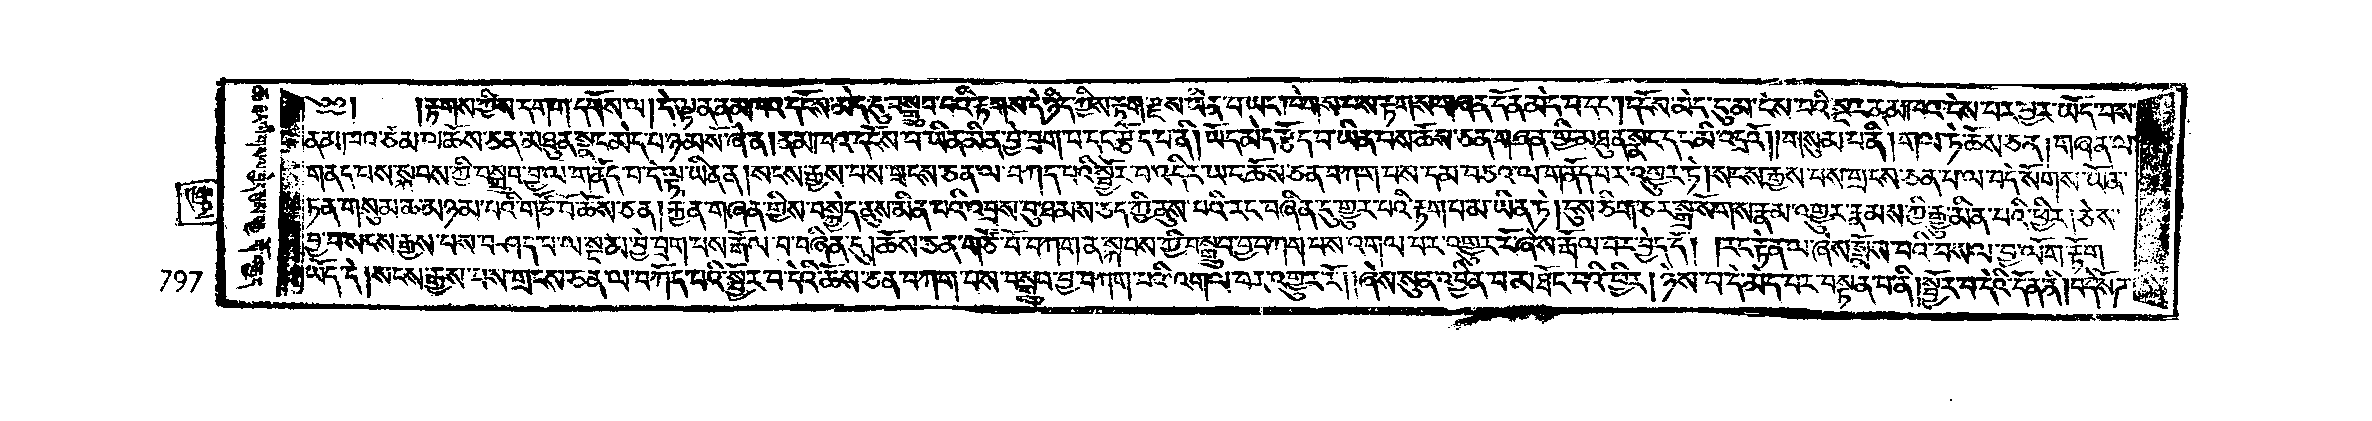༄༅། །རྟགས་ཀྱིས་དགག་དགོས་ལ། དེ་ལྟ་ན་ནམ་མཁའ་དངོས་མེད་དུ་བསྒྲུབ་པའི་རྟགས་དེ་ཉིད་ཀྱིས་རྟག་རྫས་ཡིན་པ་ཡང་ཁེགས་པས་རྟགས་གཞན་དོན་མེད་པ་དང་། དངོས་མེད་དུ་མ་ངེས་པའི་སྔར་ནམ་མཁའ་ངེས་པར་བྱར་ཡོད་པས་
ནམ་མཁའ་ཙམ་ལ་ཆོས་ཅན་མཐུན་སྣང་མེད་པ་ཉམས་སོ་ཞེ་ན། ནམ་མཁའ་དངོས་པོ་ཡིན་མིན་བྱེ་བྲག་པ་དང་རྩོད་པ་ནི། ཡོད་མེད་རྩོད་པ་ཡིན་པས་ཆོས་ཅན་གཞན་གྱི་མཐུན་སྣང་དང་མི་འདྲའོ། །གསུམ་པ་ནི། གལ་ཏེ་ཆོས་ཅན། གཞན་ལ་
གནད་པས་སྐབས་ཀྱི་བསྒྲུབ་བྱ་ལ་གནོད་པ་དེ་ལྟ་ཡིན་ན། སངས་རྒྱས་པས་གྲངས་ཅན་ལ་བཀག་པའི་སྐྱོར་བ་འདིར་ཡང་ཆོས་ཅན་བཀག་པས་དམ་བཅའ་ལ་གནོད་པར་འགྱུར་ཏེ། སངས་རྒྱས་པས་གྲངས་ཅན་པ་ལ་བདེ་སོགས་ཡོན་
ཏན་གསུམ་ཆ་མཉམ་པའི་གཙོ་བོ་ཆོས་ཅན། སྐྱེན་གཞན་གྱིས་བསྐྱེད་ནུས་མིན་པའི་འབྲས་བུ་ཐམས་ཅད་ཀྱི་ནུས་པའི་རང་བཞིན་དུ་གྱུར་པའི་རྟག་པ་མ་ཡིན་ཏེ། དུས་ཅིག་ཅར་སྒྲ་སོགས་རྣམ་འགྱུར་རྣམས་ཀྱི་རྒྱུ་མིན་པའི་ཕྱིར། ཅེས་
བྱ་བ་སངས་རྒྱས་པས་བཤད་པ་ལ་སྔ་མ་བྱེ་བྲག་པས་རྒོལ་བ་བཞིན་དུ། ཆོས་ཅན་གཙོ་བོ་བཀག་ན་སྐབས་ཀྱི་བསྒྲུབ་བྱ་བཀག་པས་འགལ་བར་འགྱུར་རོ་ཞེས་རྒོལ་བར་བྱེད་དོ། །རང་རྟེན་ལ་ཞེས་སྨོས་བའི་བསལ་བྱ་ལོག་རྟོག་
ཡོད་དེ། སངས་རྒྱས་པས་གྲངས་ཅན་ལ་བཀོད་པའི་སྦྱོར་བ་དེའི་ཆོས་ཅན་བཀག་པས་བསྒྲུབ་བྱ་བཀག་པའི་འགལ་བར་འགྱུར་རོ། །ཞེས་སུན་འབྱིན་པ་མཐོང་བའི་ཕྱིར། ཉེས་པ་དེ་མེད་པར་བསྟན་པ་ནི། སྦྱོར་བ་དེའི་དོན་ནི། བདེ་སོགས་